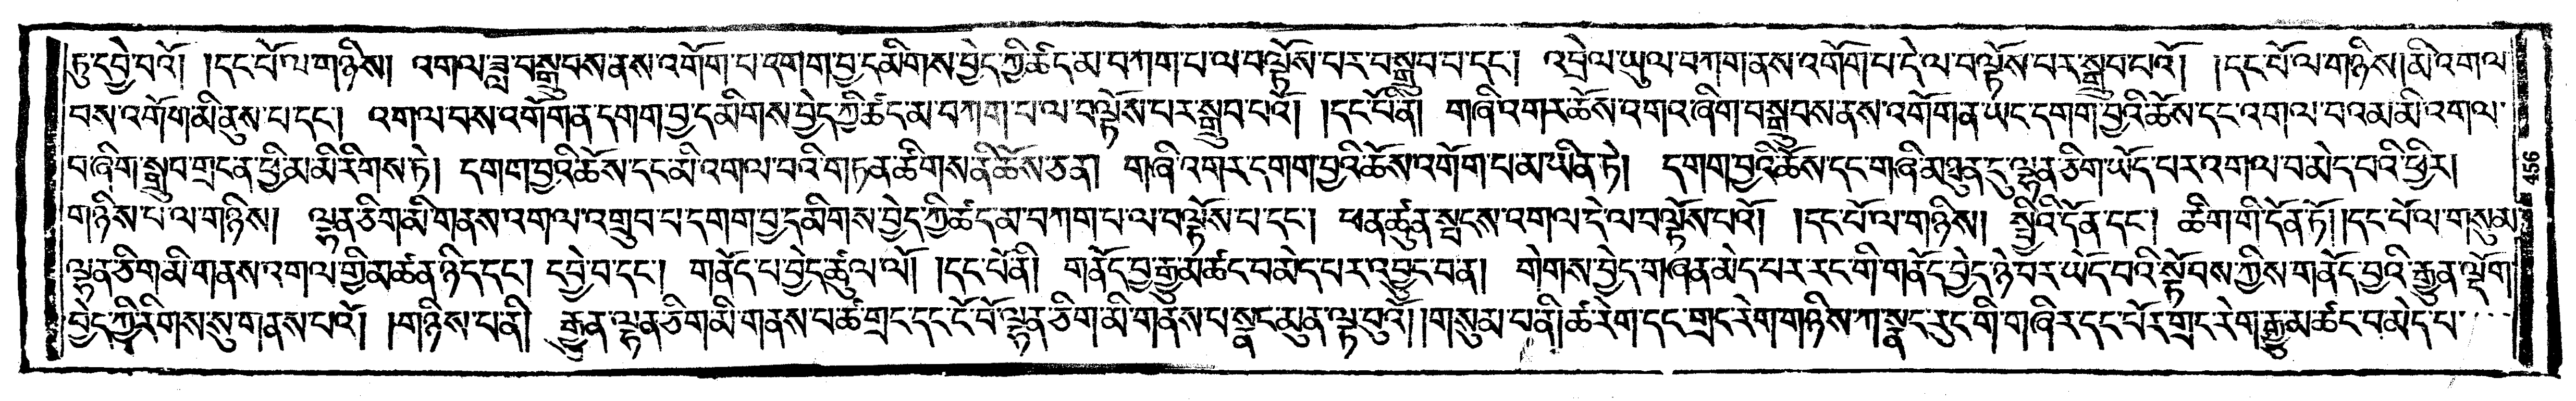ཏུ་དབྱེ་བའོ། །དང་པོ་ལ་གཉིས། འགལ་ཟླ་བསྒྲུབས་ནས་འགོག་པ་དགག་བྱ་དམིགས་བྱེད་ཀྱི་ཚད་མ་བཀག་པ་ལ་བལྟོས་པར་བསྒྲུབ་པ་དང་། འབྲེལ་ཡུལ་བཀག་ནས་འགོག་པ་དེ་ལ་བལྟོས་པར་སྒྲུབ་པའོ། །དང་པོ་ལ་གཉིས། མི་འགལ་
བས་འགོག་མི་ནུས་པ་དང་། འགལ་བས་འགོག་ན་དགག་བྱ་དམིགས་བྱེད་ཀྱི་ཚད་མ་བཀག་པ་ལ་བལྟོས་པར་སྒྲུབ་པའོ། །དང་པོ་ནི། གཞི་འགར་ཆོས་འགའ་ཞིག་བསྒྲུབས་ནས་འགོག་ན་ཡང་དགག་བྱའི་ཆོས་དང་འགལ་བའམ་མི་འགལ་
བ་ཞིག་སྒྲུབ་གྲང་ན་ཕྱི་མ་མི་རིགས་ཏེ། དགག་བྱའི་ཆོས་དང་མི་འགལ་བའི་གཏན་ཚིགས་ནི་ཆོས་ཅན། གཞི་འགར་དགག་བྱའི་ཆོས་འགོག་པ་མ་ཡིན་ཏེ། དགག་བྱའི་ཆོས་དང་གཞི་མཐུན་དུ་ལྷན་ཅིག་ཡོད་པར་འགལ་བ་མེད་པའི་ཕྱིར།
གཉིས་པ་ལ་གཉིས། ལྷན་ཅིག་མི་གནས་འགལ་འགྲུབ་པ་དགག་བྱ་དམིགས་བྱེད་ཀྱི་ཚད་མ་བཀག་པ་ལ་བལྟོས་པ་དང་། ཕན་ཚུན་སྤངས་འགལ་དེ་ལ་བལྟོས་པའོ། །དང་པོ་ལ་གཉིས། སྤྱིའི་དོན་དང་། ཚིག་གི་དོན་ཏོ། །དང་པོ་ལ་གསུམ་
ལྷན་ཅིག་མི་གནས་འགལ་གྱི་མཚན་ཉིད་དང་། དབྱེ་བ་དང་། གནོད་པ་བྱེད་ཚུལ་ལོ། །དང་པོ་ནི། གནོད་བྱ་རྒྱུ་མ་ཚང་བ་མེད་པར་འབྱུང་བ་ན། གེགས་བྱེད་གཞན་མེད་པར་རང་གི་གནོད་བྱེད་ཉེ་བར་ཡོད་པའི་སྟོབས་ཀྱིས་གནོད་བྱའི་རྒྱུན་ལྡོག་
བྱེད་ཀྱི་རིགས་སུ་གནས་པའོ། །གཉིས་པ་ནི། རྒྱུན་ལྷན་ཅིག་མི་གནས་པ་ཚ་གྲང་དང་ངོ་བོ་ལྷན་ཅིག་མི་གནས་པ་སྣང་མུན་ལྟ་བུའོ། །གསུམ་པ་ནི། ཚ་རེག་དང་གྲང་རེག་གཉིས་ཀ་སྣང་རུང་གི་གཞིར་དང་པོར་གྲང་རེག་རྒྱུ་མ་ཚང་བ་མེད་པ་